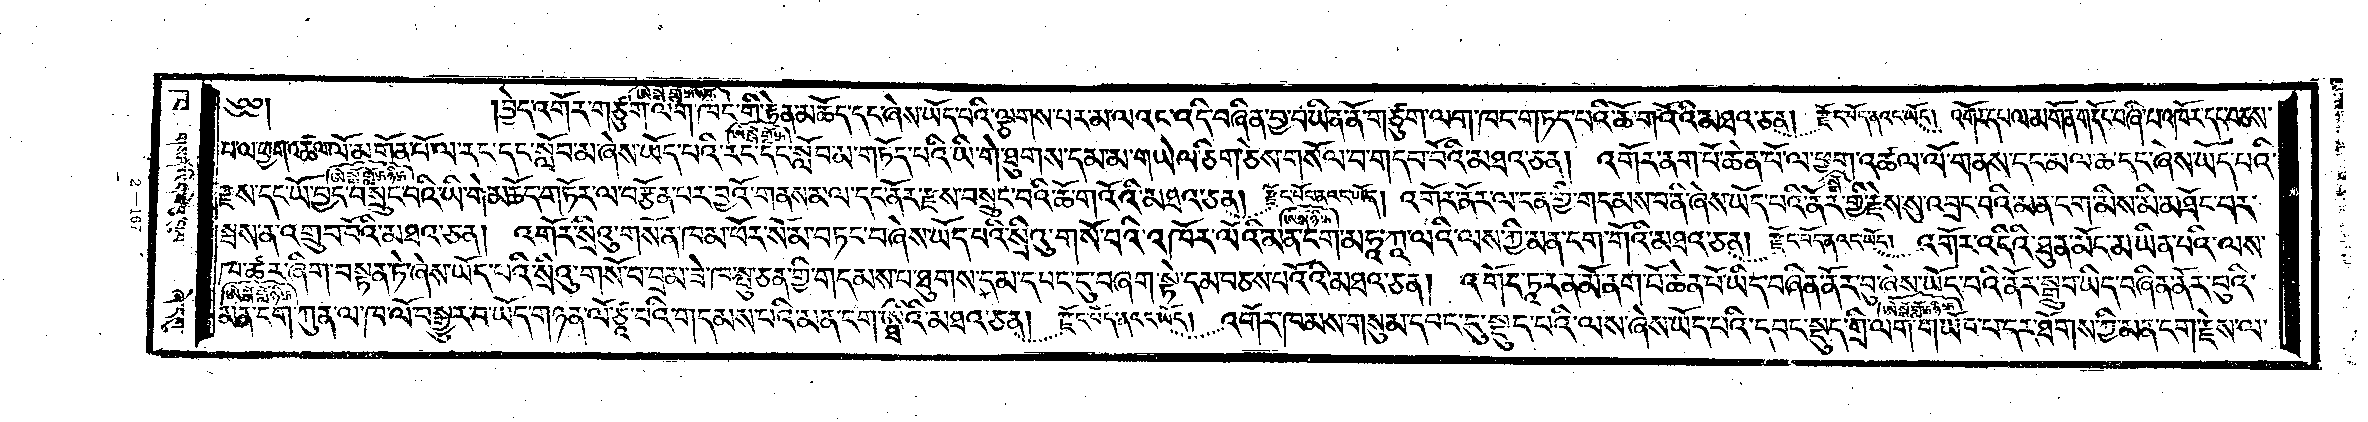༄༅། །བྱེད་འགོར་གཙུག་ལག་ཁང་གི་རྟེན་མཆོད་དང་ཞེས་ཡོད་པའི་ལྕགས་པར་མ་ལའང་འདི་བཞིན་བྱ་བ་ཡིན་ནོ་གཙུག་ལག་ཁང་གཏད་པའི་ཆོ་གའོའི་མཐའ་ཅན། རྫོང་པོད་ནའང་ཡོད།  འགོར་དཔལ་མགོན་གདོང་བཞི་པ་འཁོར་དང་བཅས་
པ་ལ་ཕྱག་འཚལ་ལོ་མགོན་པོ་ལ་རང་དང་སློབ་མ་ཞེས་ཡོད་པའི་རང་དང་སློབ་མ་གཏོད་པའི་ཡི་གེ་ཐུགས་དམ་མ་གཡེལ་ཅིག་ཅེས་གསོལ་བ་གདབ་བོའི་མཐའ་ཅན། འགོར་ནག་པོ་ཆེན་པོ་ལ་ཕྱག་འཚལ་ལོ་གནས་དང་མལ་ཆ་དང་ཞེས་ཡོད་པའི་
རྫས་དང་ཡོ་བྱང་བསྲུང་བའི་ཡི་གེ་མཆོད་གཏོར་ལ་བརྩོན་པར་བྱའོ་གནས་མལ་དང་ནོར་རྫས་བསྲུང་བའི་ཆོ་གའོའི་མཐའ་ཅན། རྫོང་པོད་ནའང་ཡོད།  འགོར་ནོར་ལ་དན་གྱི་གདམས་བ་ནི་ཞེས་ཡོད་པའི་ནོར་གྱི་རྗེས་སུ་འབྲང་བའི་མན་ངག་མིས་མི་མཐོང་བར་
སྦས་ན་འགྲུབ་བོའི་མཐའ་ཅན། འགོར་སྲིའུ་གསོ་ན་ཁམ་ཕོར་སོམ་བཏང་བཞེས་ཡོད་པའི་སྲིའུ་གསོ་བའི་འཁོར་ལོའི་མན་ངག་མཧཱ་ཀཱ་ལའི་ལས་ཀྱི་མན་ངག་གོའི་མཐའ་ཅན། རྫོང་པོད་ནའང་ཡོད།  འགོར་འདིའི་ཐུན་མོང་མ་ཡིན་པའི་ལས་
ཁ་སྟར་ཞིག་བསྟན་ཏེ་ཞེས་ཡོད་པའི་སྲིའུ་གསོ་བ་བྲམ་ཟེ་སྤུ་ཅན་གྱི་གདམས་པ་ཐུགས་དམ་དབང་དུ་བཞག་སྟེ་དམ་བཅས་པའོའི་མཐའ་ཅན། འགོད་ཏ་ར་ན་མོ་ནག་པོ་ཆེན་པོ་ཡིད་བཞིན་ནོར་བུ་ཞེས་ཡོད་པའི་ནོར་སྒྲུབ་ཡིད་བཞིན་ནོར་བུའི་
མན་ངག་ཀུན་ལ་ཁ་ལོ་བསྒྱུར་བ་ཡོད་གཉན་ལོ་ཙཱ་བའི་གདམས་པའི་མན་ངག་ཨིཐིའི་མཐའ་ཅན། རྫོང་པོད་ནའང་ཡོད།  འགོར་ཁམས་གསུམ་དབང་དུ་སྡུད་པའི་ལས་ཞེས་ཡོད་པའི་དབང་སྡུད་གྲི་ལག་གཡོབ་པ་དར་ཐོགས་ཀྱི་མན་ངག་རྗེས་ལ་